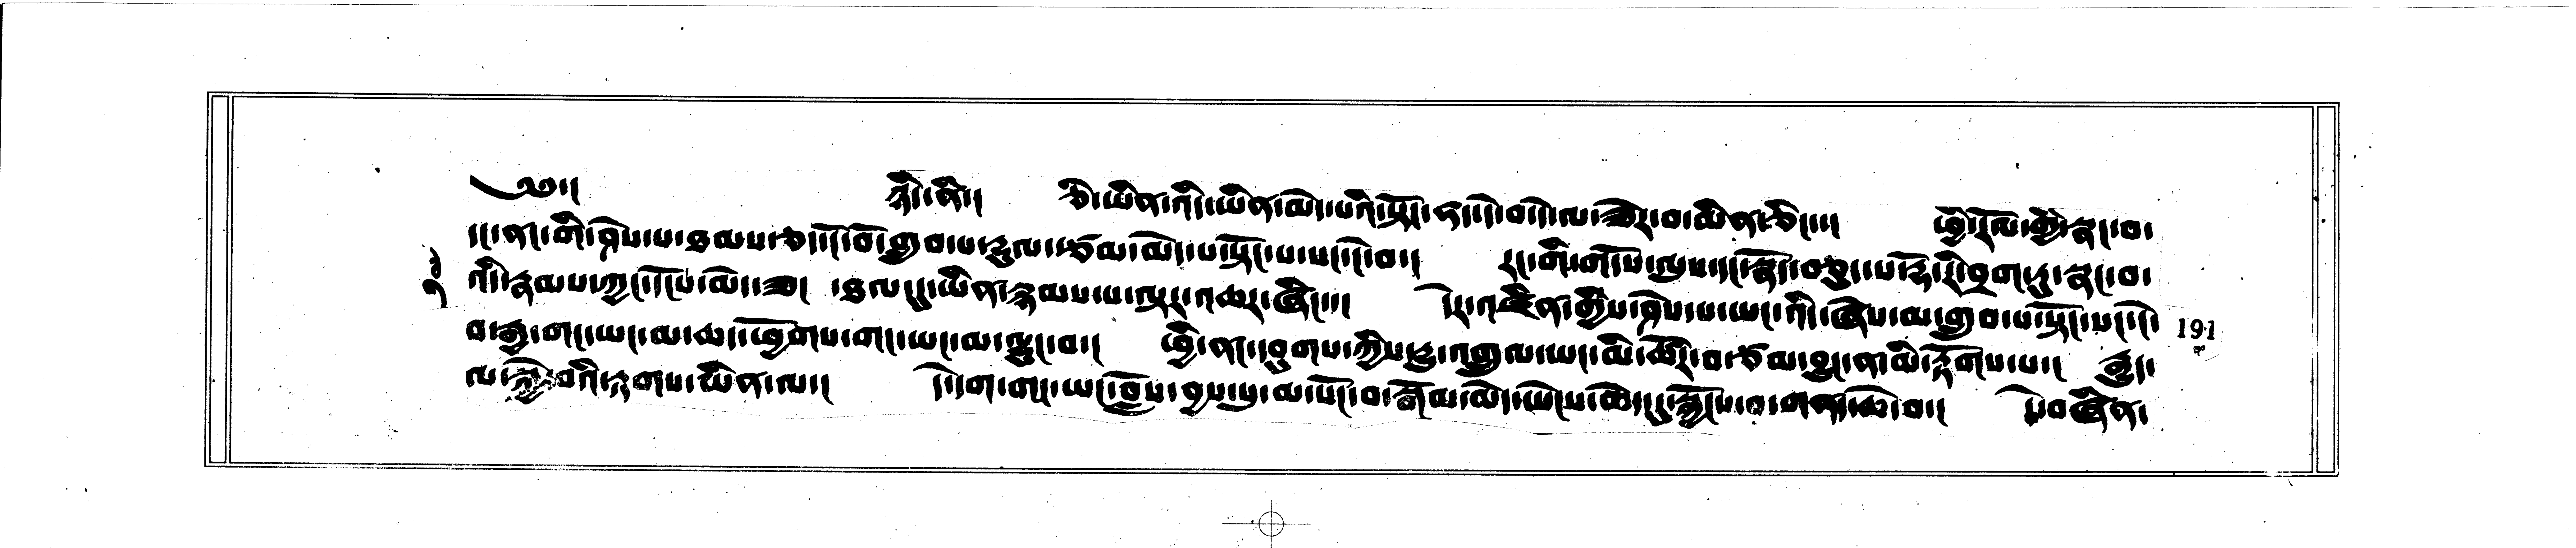ཉིད་ནི། ཅི་ཡིན་འདི་ཡིན་མེད་པའི་སྟོང་ཧད་དེ་བ་དེ་ལ་ཟེར་བ་མིན་ཅིང་། ཕྱི་རོལ་གྱི་སྣང་བ་
དང་། ནང་གི་ཤེས་པ་ཐམས་ཅད་ངོ་བོ་གྲུབ་པ་རྡུལ་ཙམ་མེད་པ་སྟོང་པ་སང་ངེ་བ། རང་གི་གདོས་ལུས་དང་སྣོད་བཅུད་ས་རྡོ་རི་བྲག་ཏུ་སྣང་བ་
འདི་རྣམས་ཀྱང་དངོས་མེད་ཟང་ཐལ་དུ་ཡིན་སྙམ་པ་ལྟར་འཆར་ཞིང་དེར་འཛིན་གྱི་ཤེས་པའང་འདི་ཞེས་མ་གྲུབ་པ་སྟོང་སང་ངེ་
བ་རྒྱ་གང་ཡང་མ་ཆད་ཕྱོགས་གང་ཡང་མ་ལྷུང་བ། ཕྱི་ནང་དབུགས་ཀྱི་རྒྱུ་འགྲུལ་ཡང་མི་ཚོར་བ་ཙམ་བྱུང་ན་མི་རྟོག་པ་ རྒྱུད་
ལ་སྐྱེ་བའི་རྟགས་ཡིན་ལ། དེ་དག་གང་ཡང་བློས་བྱས་སུ་མ་སོང་བ་སྒོམ་མེད་ཡེངས་མེད་དུ་སྐྱོང་བ་གནད་ཆེ་བ། དེ་བཞིན་